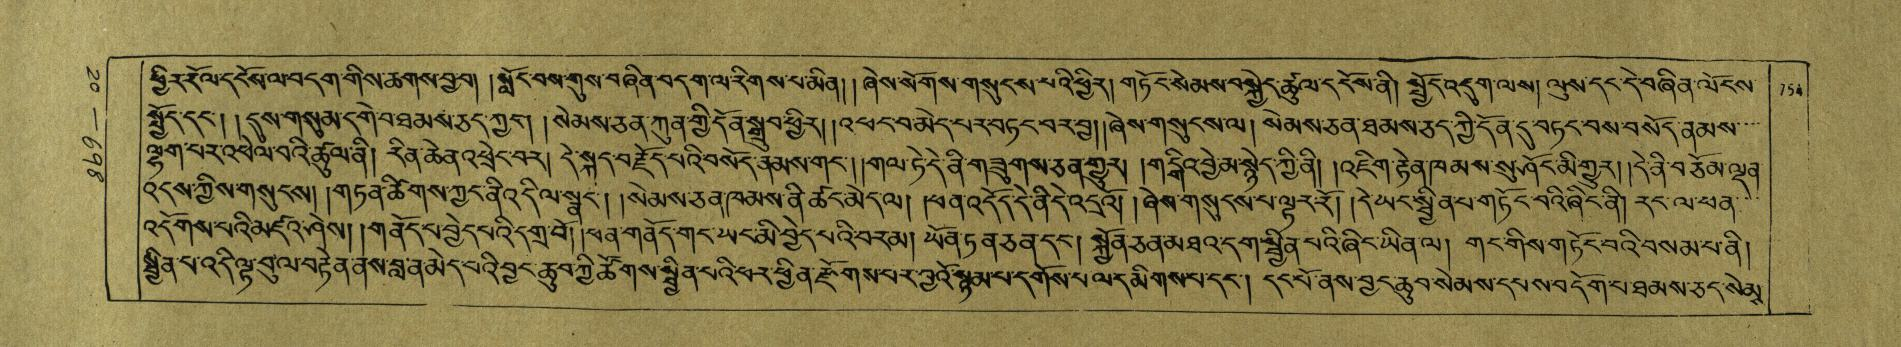ཕྱིར་རོལ་དངོས་ལ་བདག་གིས་ཆགས་བྱ་བ། །སློང་བས་གུས་བཞིན་བདག་ལ་རིགས་པ་མིན། །ཞེས་སོགས་གསུངས་པའི་ཕྱིར། གཏོང་སེམས་བསྐྱེད་ཚུལ་དངོས་ནི། སྤྱོད་འཇུག་ལས། ལུས་དང་དེ་བཞིན་ལོངས་
སྤྱོད་དང་། །དུས་གསུམ་དགེ་བ་ཐམས་ཅད་ཀྱང་། །སེམས་ཅན་ཀུན་གྱི་དོན་སྒྲུབ་ཕྱིར། །འཕང་བ་མེད་པར་བཏང་བར་བྱ། །ཞེས་གསུངས་ལ། སེམས་ཅན་ཐམས་ཅད་ཀྱི་དོན་དུ་བཏང་བས་བསོད་ནམས་
ལྷག་པར་འཕེལ་བའི་ཚུལ་ནི། རིན་ཆེན་འཕྲེང་བར། དེ་སྐད་བརྗོད་པའི་བསོད་ནམས་གང་། །གལ་ཏེ་དེ་ནི་གཟུགས་ཅན་གྱུར། །གངྒའི་བྱེ་མ་སྙེད་ཀྱི་ནི། །འཇིག་རྟེན་ཁམས་སུ་ཤོང་མི་གྱུར། །དེ་ནི་བཅོམ་ལྡན་
འདས་ཀྱིས་གསུངས། །གཏན་ཚིགས་ཀྱང་ནི་འདི་ལ་སྣང་། །སེམས་ཅན་ཁམས་ནི་ཚང་མེད་ལ། །ཕན་འདོད་དེ་ནི་དེ་འདྲའོ། །ཞེས་གསུངས་པ་ལྟར་རོ། །དེ་ཡང་སྦྱིན་པ་གཏོང་བའི་ཞིང་ནི། རང་ལ་ཕན་
འདོགས་པའི་མཛའ་ཤེས། །གནོད་པ་བྱེད་པའི་དགྲ་བོ། །ཕན་གནོད་གང་ཡང་མི་བྱེད་པའི་བར་མ། ཡོན་ཏན་ཅན་དང་། སྐྱོན་ཅན་མཐའ་དག་སྦྱིན་པའི་ཞིང་ཡིན་ལ། གང་གིས་གཏོང་བའི་བསམ་པ་ནི།
སྦྱིན་པ་འདི་ལྟ་བུ་ལ་བརྟེན་ནས་བླ་ན་མེད་པའི་བྱང་ཆུབ་ཀྱི་ཚོགས་སྦྱིན་པའི་ཕར་ཕྱིན་རྫོགས་པར་བྱའོ་སྙམ་པ་དགོས་པ་ལ་དམིགས་པ་དང་། དང་པོ་ནས་བྱང་ཆུབ་སེམས་དཔས་བདོག་པ་ཐམས་ཅད་སེམས་